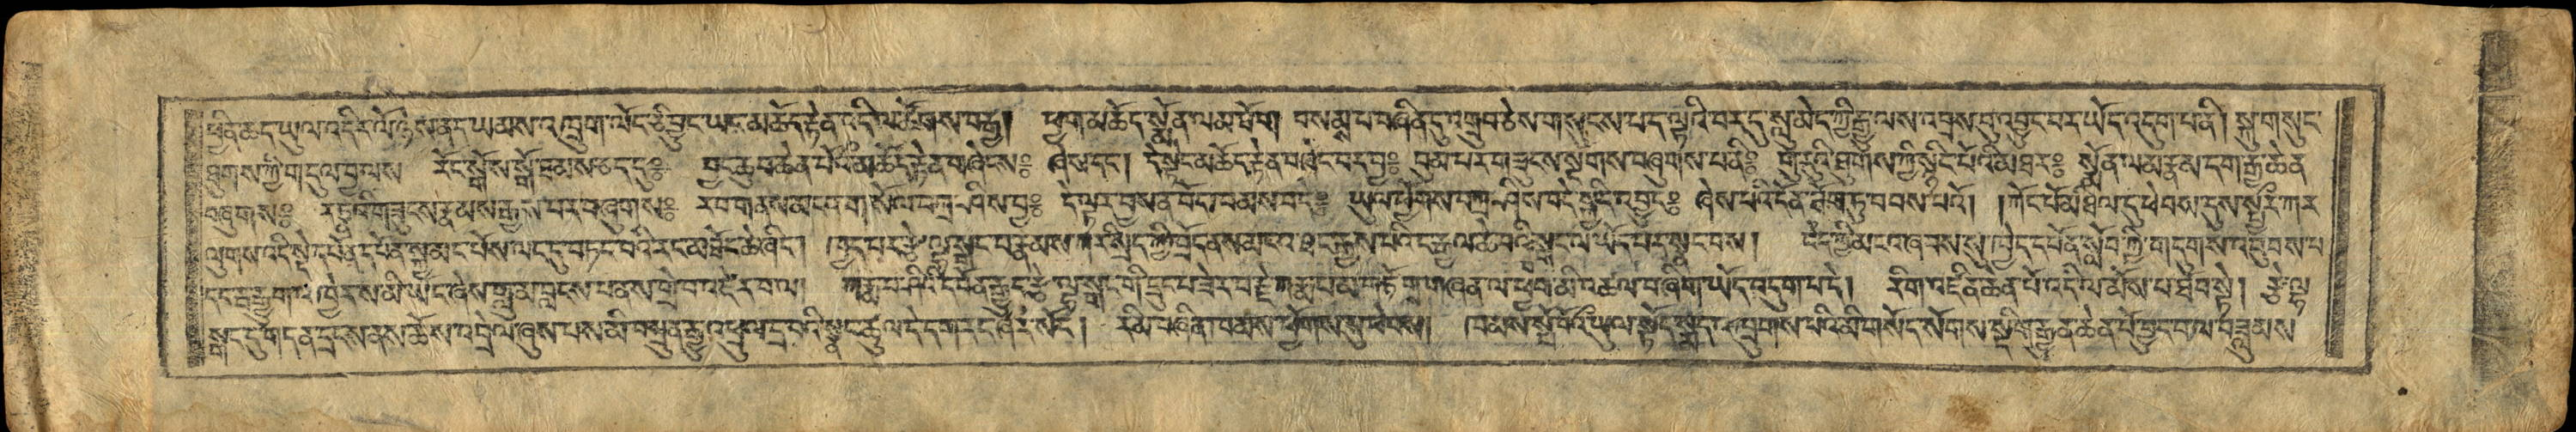ཕྱིན་ཆད་ཡུལ་འདིར་ལོ་ཉེས་ནད་ཡམས་འཁྲུག་ལོང་ཅི་བྱུང་ཡང་མཆོད་རྟེན་འདི་ལ་ཚོགས་བརྒྱ། ཕྱག་མཆོད་སྨོན་ལམ་ཐེབ། བསམས་པ་བཞིན་དུ་འགྲུབ་ཅེས་གསུངས་པ་ད་ལྟའི་བར་དུ་སླུ་མེད་ཀྱི་རྒྱུ་ལས་འབྲས་བུ་འབྱུང་བར་ཡོད་འདུག་པ་ནི། སྐུ་གསུང་
ཐུགས་ཀྱི་གདུལ་བྱ་ལས། རོང་སྒོ་ས་སྒོ་ཐམས་ཅད་དུཿ་བྱང་ཆུབ་ཆེན་པོའི་མཆོད་རྟེན་གཞེངསཿ་ཞེས་དང་། དེ་སྟེང་མཆོད་རྟེན་བཞེང་བར་བྱཿ་བུམ་པར་གཟུངས་སྔགས་བཞུགས་པ་ནིཿ་གུ་རུའི་ཐུགས་ཀྱི་སྙིང་པོའི་མཐརཿ་སྨོན་ལམ་རྣམ་དག་རྒྱ་ཆེན་
བཞུགསཿ་རཏྣའི་གཟུངས་རྣམས་རྒྱས་པར་བཞུགསཿ་རབ་གནས་མངའ་གསོལ་བཀྲ་ཤིས་བྱཿ་དེ་ལྟར་བྱས་ན་བོད་ཁམས་བདེཿ་ཡུལ་ཕྱོགས་བཀྲ་ཤིས་བདེ་སྐྱིད་འབྱུངཿ་ཞེས་པའི་དོན་ཐོག་ཏུ་བབས་པའོ། །ཀོང་པོ་མཐིལ་དུ་ཕེབས་དུས་སྤྱྀར་ཀར་
ལུགས་འདི་སྡེ་དཔོན་དཔོན་སྐྱ་མང་པོས་ལང་དུ་བཏང་བའི་རང་མཐོང་ཆེ་ཞིང་། ཁྱད་པར་རྩེ་ལྷ་སྒང་བ་རྣམས་ཀར་སྲིད་ཀྱི་ཁྲོད་ནས་མངའ་ཐང་རྒྱས་པའི་ང་རྒྱལ་ཆེ་བའི་སྒང་ལ་ཡོད་པར་སྣང་བས། ངེད་ཀྱི་མངའ་ཞབས་སུ་ཁྱེད་དཔོན་སློབ་ཀྱི་གདུགས་འབུབས་པ་
དང་རྦ་རྒྱུག་འཁྱེར་ས་མི་ཡོང་ཞེས་གླུ་མ་བླངས་པ་ནས་གྲེ་བ་འཛེར་བ་ལ། ཀརྨ་པ་ཤིའི་དཔོན་རྒྱུད་རྩེ་ལྷ་སྒང་གི་དྲུང་པ་ཟེར་བ་རྗེ་ཀརྨ་པ་མ་གཏོགས་གཞན་ལ་ཕྱག་མི་འཚལ་བ་ཞིག་ཡོད་འདུག་པ་དེ། རིག་འཛིན་ཆེན་པོ་འདི་ལ་མོས་པ་ཐོབ་སྟེ། རྩེ་ལྷ་
སྒང་དུ་གདན་དྲངས་ནས་ཆོས་འབྲེལ་ཞུས་པས་མི་བསྲུན་རྒྱུ་འཕྲུལ་དྲ་བའི་སྣང་ཚུལ་དེ་དག་རང་ཞིར་སོང་། རིམ་བཞིན་ཁམས་ཕྱོགས་སུ་ཕེབས། ཁམས་སྤོ་བོའི་ཡུལ་སྟོད་སྨད་འཁྲུགས་པའི་མི་གསོད་སོགས་སྡིག་རྒྱུན་ཆེན་པོ་བྱུང་བ་ལ་བཟླུམས་